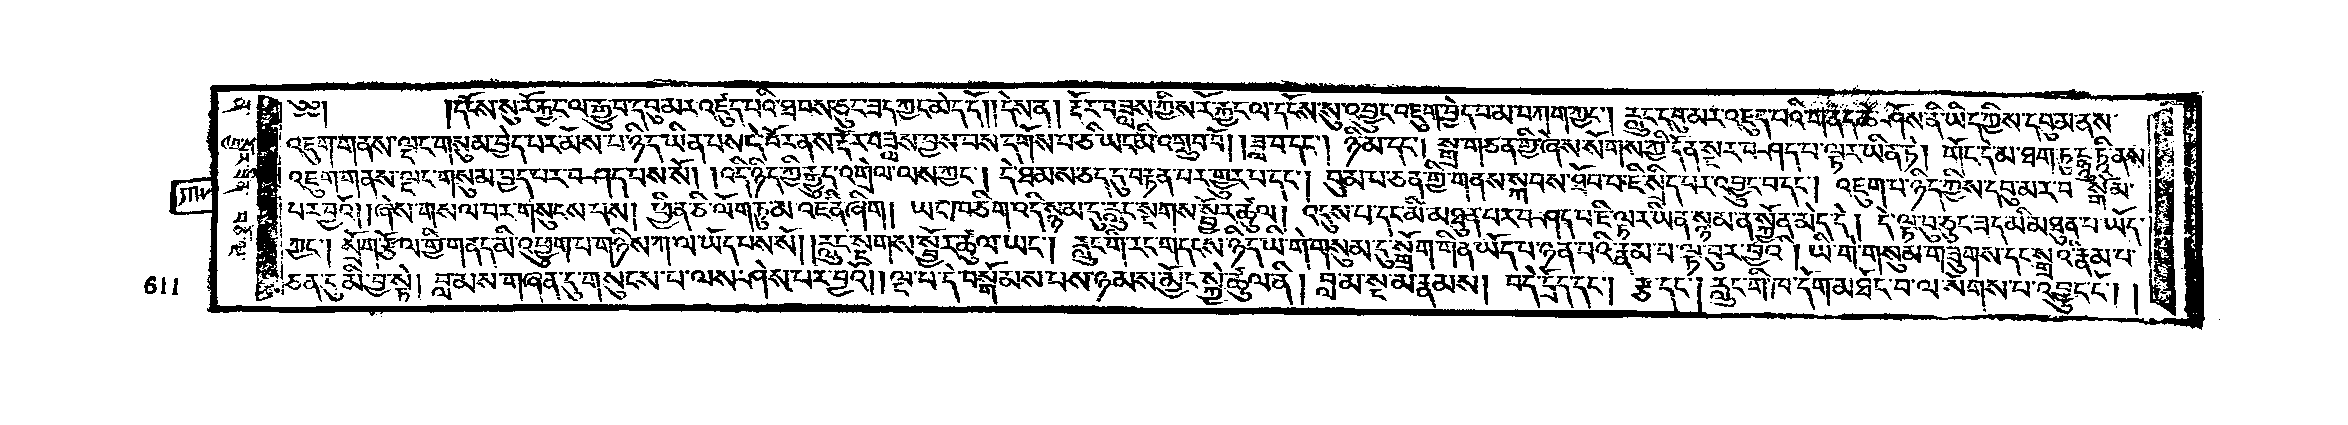༄༅། །དངོས་སུ་རོ་རྐྱང་ལ་རྒྱུ་བ་དབུ་མར་འཛུད་པའི་ཐབས་ཅུང་ཟད་ཀྱང་མེད་དོ། །དེས་ན། རྡོར་བཟླས་ཀྱིས་རོ་རྐྱང་ལ་དངོས་སུ་འབྱུང་འཇུག་བྱེད་པ་མ་བཀག་ཀྱང་། རླུང་དབུ་མར་འཇུད་པའི་གནད་ཆེ་ཤོས་ནི་ཡིད་ཀྱིས་དབུ་མ་ནས་
འཇུག་གནས་ལྡང་གསུམ་བྱེད་པར་མོས་པ་ཉིད་ཡིན་པས་དེ་བོར་ནས་རྡོར་བཟླས་བྱས་པས་དགོས་པ་ཅི་ཡང་མི་འགྲུབ་བོ། །ཟླ་བ་དང་། ཉི་མ་དང་། སྒྲ་གཅན་གྱི་ཞེས་སོགས་ཀྱི་དོན་སྔར་བཤད་པ་ལྟར་ཡིན་ཏེ། གོང་དེ་མ་ཐག་ཏུ་དྷཱུ་ཏཱི་ནས་
འཇུག་གནས་ལྡང་གསུམ་བྱེད་པར་བཤད་པས་སོ། །འདི་ཉིད་ཀྱི་རྒྱུད་འགྲེལ་ལས་ཀྱང་། དེ་ཐམས་ཅད་དུ་བརྟན་པར་གྱུར་པ་དང་། བུམ་པ་ཅན་གྱི་གནས་སྐབས་ཐོབ་པ་ཇི་སྲིད་པར་འབྱུང་བ་དང་། འཇུག་པ་ཉིད་ཀྱིས་དབུ་མར་བསྒོམ་
པར་བྱའོ། །ཞེས་གསལ་བར་གསུངས་པས། ཕྱིན་ཅི་ལོག་ཏུ་མ་འཛིན་ཞིག །ཡང་ཁ་ཅིག་འདི་སྙམ་དུ་རླུང་སྔགས་སྦྱོར་ཚུལ། འདུས་པ་དང་མི་མཐུན་པར་བཤད་པ་ཇི་ལྟར་ཡིན་སྙམ་ན་སྐྱོན་མེད་དེ། དེ་ལྟ་བུ་ཅུང་ཟད་མི་མཐུན་པ་ཡོད་
ཀྱང་། སྲོག་རྩོལ་གྱི་གནད་མི་འཕྱུག་པ་གཉིས་ཀ་ལ་ཡོད་པས་སོ། །རླུང་སྔགས་སྦྱོར་ཚུལ་ཡང་། རླུང་གི་རང་གདངས་ཉིད་ཡི་གེ་གསུམ་དུ་སྒྲོག་གིན་ཡོད་པ་ཉན་པའི་རྣམ་པ་ལྟ་བུར་བྱའི། ཡི་གེ་གསུམ་གཟུགས་དང་སྒྲའི་རྣམ་པ་
ཅན་དུ་མི་བྱ་སྟེ། བླ་མས་གཞན་དུ་གསུངས་པ་ལས་ཤེས་པར་བྱའོ། །ལྔ་པ་དེ་བསྒོམས་པས་ཉམས་མྱོང་སྐྱེ་ཚུལ་ནི། བླ་མ་སྔ་མ་རྣམས། བདེ་དྲོད་དང་། རྩ་དང་། རླུང་གི་ཁ་དོག་མཐོང་བ་ལ་སོགས་པ་འབྱུང་ངོ། །